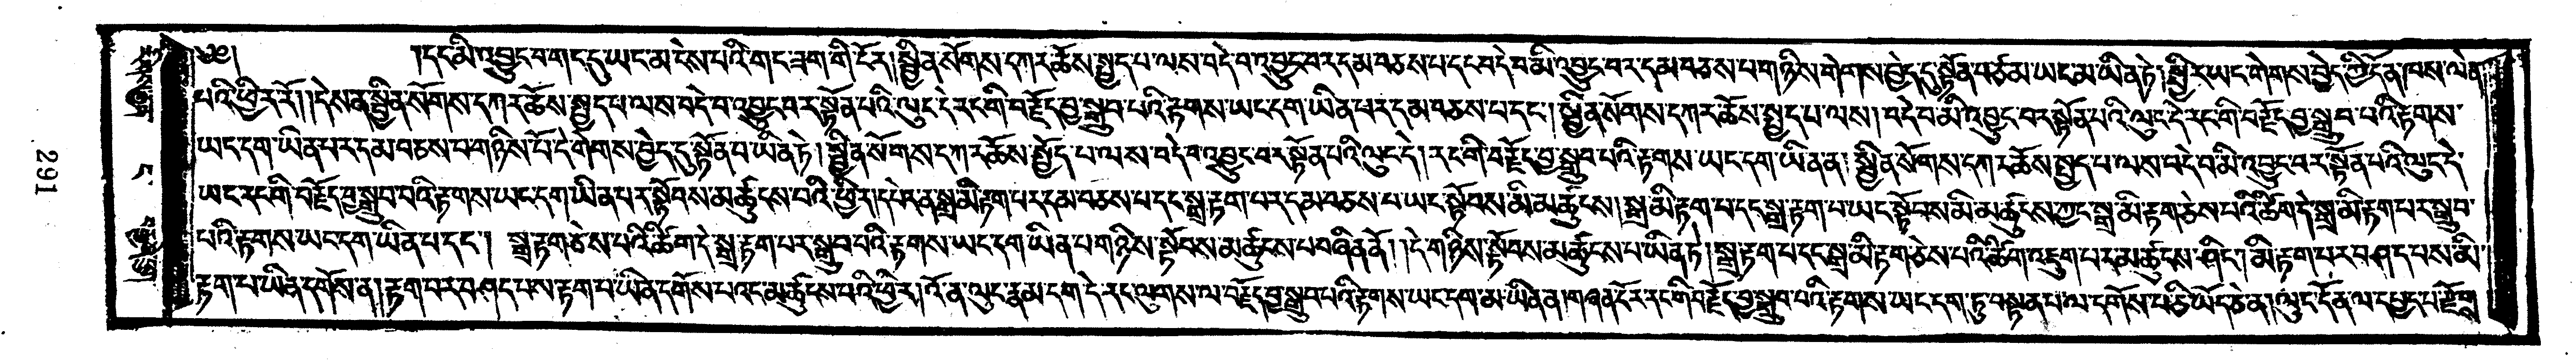༄༅། །དང་མི་འབྱུང་བ་གང་དུ་ཡང་མ་ངེས་པའི་གང་ཟག་གི་ངོར། སྦྱིན་སོགས་དཀར་ཆོས་སྤྱད་པ་ལས་བདེ་བ་འབྱུང་བར་དམ་བཅས་པ་དང་བདེ་བ་མི་འབྱུང་བར་དམ་བཅས་པ་གཉིས་གེགས་བྱེད་དུ་སྟོན་པ་ཙམ་ཡང་མ་ཡིན་ཏེ། སྤྱིར་ཡང་གེགས་བྱེད་ཀྱི་དོན་ཁས་ལེན་
པའི་ཕྱིར་རོ། །དེས་ན་སྦྱིན་སོགས་དཀར་ཆོས་སྤྱད་པ་ལས་བདེ་བ་འབྱུང་བར་སྟོན་པའི་ལུང་དེ་རང་གི་བརྗོད་བྱ་སྒྲུབ་པའི་རྟགས་ཡང་དག་ཡིན་པར་དམ་བཅས་པ་དང་། སྦྱིན་སོགས་དཀར་ཆོས་སྤྱད་པ་ལས། བདེ་བ་མི་འབྱུང་བར་སྟོན་པའི་ལུང་དེ་རང་གི་བརྗོད་བྱ་སྒྲུབ་པའི་རྟགས་
ཡང་དག་ཡིན་པར་དམ་བཅས་པ་གཉིས་པོ་དེ་གེགས་བྱེད་དུ་སྟོན་པ་ཡིན་ཏེ། སྦྱིན་སོགས་དཀར་ཆོས་སྤྱད་པ་ལས་བདེ་བ་འབྱུང་བར་སྟོན་པའི་ལུང་དེ། རང་གི་བརྗོད་བྱ་སྒྲུབ་པའི་རྟགས་ཡང་དག་ཡིན་ན། སྦྱིན་སོགས་དཀར་ཆོས་སྤྱད་པ་ལས་བདེ་བ་མི་འབྱུང་བར་སྟོན་པའི་ལུང་དེ་
ཡང་རང་གི་བརྗོད་བྱ་སྒྲུབ་པའི་རྟགས་ཡང་དག་ཡིན་པར་སྟོབས་མཚུངས་པའི་ཕྱིར། དཔེར་ན་སྒྲ་མི་རྟག་པར་དམ་བཅས་པ་དང་སྒྲ་རྟག་པར་དམ་བཅས་པ་ཡང་སྟོབས་མི་མཚུངས། སྒྲ་མི་རྟག་པ་དང་སྒྲ་རྟག་པ་ཡང་སྟོབས་མི་མཚུངས་ཀྱང་སྒྲ་མི་རྟག་ཅེས་པའི་ཚིག་དེ་སྒྲ་མི་རྟག་པར་སྒྲུབ་
པའི་རྟགས་ཡང་དག་ཡིན་པ་དང་། སྒྲ་རྟག་ཅེས་པའི་ཚིག་དེ་སྒྲ་རྟག་པར་སྒྲུབ་པའི་རྟགས་ཡང་དག་ཡིན་པ་གཉིས་སྟོབས་མཚུངས་པ་བཞིན་ནོ། །དེ་གཉིས་སྟོབས་མཚུངས་པ་ཡིན་ཏེ། སྒྲ་རྟག་པ་དང་སྒྲ་མི་རྟག་ཅེས་པའི་ཚིག་འཇུག་པར་མཚུངས་ཤིང་། མི་རྟག་པར་བཤད་པས་མི་
རྟག་པ་ཡིན་དགོས་ན། རྟག་པར་བཤད་པས་རྟག་པ་ཡིན་དགོས་པའང་མཚུངས་པའི་ཕྱིར། འོ་ན་ལུང་རྣམ་དག་དེ་རང་ལུགས་ལ་བརྗོད་བྱ་སྒྲུབ་པའི་རྟགས་ཡང་དག་མ་ཡིན་ན། གཞན་ངོར་རང་གི་བརྗོད་བྱ་སྒྲུབ་པའི་རྟགས་ཡང་དག་ཏུ་བསྟན་པ་ལ་དགོས་པ་ཅི་ཡོད་ཅེ་ན། ལུང་དོན་ལ་དཔྱད་པ་རྫོགས་